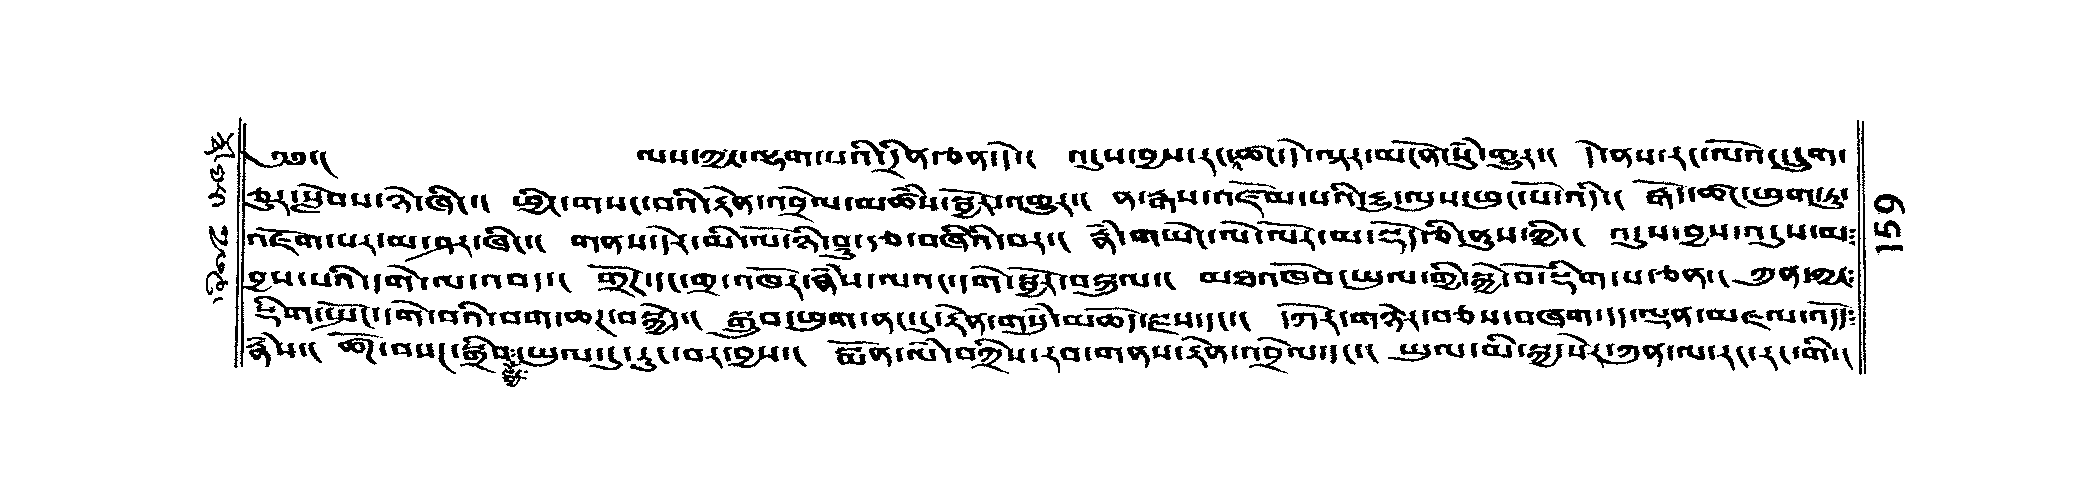ལས་ཀྱང་ལྷག་པའི་དྲིན་ཅན་དེ། །འདུས་བྱས་རང་མཚང་དེ་ལྟར་མངོན་སུམ་གྱུར། །དེ་ནས་རང་ལོའང་དྲུག་
ཅུར་སླེབས་ཉེ་ཞིང་། །ཕྱི་ནང་གསང་བའི་རྟེན་འབྲེལ་མཚམས་སྦྱོར་འགྱུར། །ན་རྒས་འཛོམ་པའི་རྒྱུ་ལུས་ཕུང་པོ་འདི། །རྒོད་ཚང་ཕུག་ཏུ་
འཇོག་པར་མ་ཤར་ཞིང་། །གནས་དེར་མི་ལོ་ཉི་ཤུ་རྩ་བཞིའི་བར། །རྣམ་གཡེང་ལེ་ལོར་མ་སྡད་ཅི་ནུས་ཀྱི། །འདུས་བྱས་འདུས་མ་
བྱས་པའི་དགེ་ལ་འབད། །གྲོགས་དང་གྲྭ་འཁོར་རྣམས་ལའང་དགེ་སྦྱོར་བསྐུལ། །མཐའ་ཁོབ་ཡུལ་གྱི་སྐྱེ་བོ་སྡིག་པ་ཅན། །ཀུན་ཀྱང་
སྡིག་སྤོང་དགེ་བའི་བག་ཆགས་བསྐྱེད། །སྒྲུབ་ཕུག་ནང་དུ་རྟེན་གསུམ་མཆོད་རྫས་དང་། །དཀོར་གཉེར་བཅས་བཞག་དད་ལྡན་མཇལ་འདོད་
རྣམས། །ཚོགས་གསོག་སྒྲིབ་སྦྱོང་ཡུལ་དུ་རུང་བར་བྱས། །སྨོན་ལམ་བཀྲ་ཤིས་རབ་གནས་རྟེན་འབྲེལ་དང་། །ཡུལ་མི་སྐྱ་སེར་ཀུན་ལ་རང་རང་གི